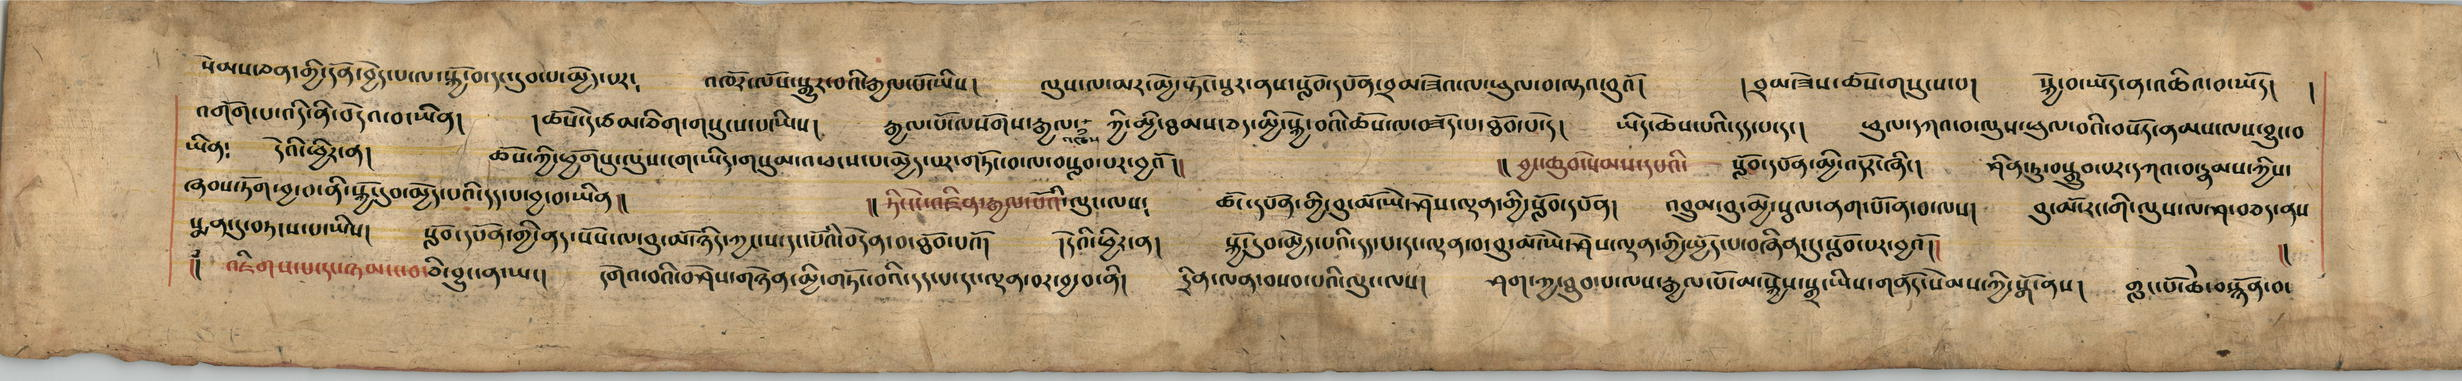སེམས་ཅན་གྱི་དོན་བྱེད་པ་ལ་སྐྱོ་བ་དང་དུབ་པ་མྱེད་པར་ འཁོར་ལོས་སྒྱུར་བའི་རྒྱལ་པོ་ཡིས། ལུས་ལ་མར་མྱེ་སྟོང་སྦར་ནས་སློབ་དཔོན་བྲམ་ཟེའ་ལ་ཕུལ་བ་ལྟ་བུའོ། །བྲམ་ཟེས་ཆོས་གསུངས་པ། སྐྱེ་བ་ཡོད་ན་འཆིའ་བ་ཡོད།
འགོག་པ་འདི་ནི་བདེའ་བ་ཡིན། །ཆོས་དེ་ཙམ་ཅིག་གསུངས་པ་ཡིས། རྒྱལ་པོ་ལསོགས་རྒྱལ་ ཀྱི་མྱི་ཐམས་ཅད་མྱི་སྐྱེ་བའི་ཆོས་ལ་བཟོད་པ་ཐོབ་པ་དེ། ཡིད་ཆེས་པའི་དད་པ་དང། ཕུལ་དཀའ་བ་ལུས་ཕུལ་བའི་བསོད་ནམས་ལས་བྱུང་བ
ཡིན་ དེའི་ཕྱིར་ན། ཆོས་ཀྱི་ཕྱོགསུ་ལུས་ངག་ཡིད་གསུམ་འཕངས་པ་མྱེད་པར་གཏོང་བ་ལ་བསླབ་པར་བྱའོ།། །། བྱང་ཆུབ་སེམས་དཔའི་ སློབ་དཔོན་མྱི་འདོར་ཞིང། ཤིན་ཏུ་བསྒྲུབ་པར་དཀའ་བ་རྣམས་ཀྱིས་
ཞབས་ཏོག་བྱ་བ་ནི་སྐྱོ་དུབ་མྱེད་པའི་དད་པ་བྱ་བ་ཡིན།། །།ཏིང་ངེ་འཛིན་རྒྱལ་པོའི་ལུས་ལས: ཚོང་དཔོན་གྱི་བུ་མོ་ཡེ་ཤེས་ལྡན་གྱི་སློབ་དཔོན། འབྲུམ་བུ་མྱེ་སྦལ་ནག་པོ་ན་བ་ལས། བུ་མོ་རང་གི་ལུས་ལ་ཤ་བཅད་ནས
སྨན་དུ་བཏངས་པ་ཡིས། སློབ་དཔོན་གྱི་ནད་སོས་ལ་བུ་མོ་ཉིད་ཀྱང་ས་དང་པོའི་བདེན་བ་ཐོབ་པའོ། །དེའི་ཕྱིར་ན། སྐྱོ་དུབ་མྱེད་པའི་དད་པ་དང་ལྡན་བ་བུ་མོ་ཡེ་ཤེས་ལྡན་གྱི་སྤྱོད་པ་བཞིན་དུ་སློབ་པར་བྱའོ།།
།། འཇིགས་པ་དང་ཉམ་ང་བ་ཅི་བྱུང་ན་ཡང། དགེའ་བའི་བཤེས་གཉེན་མྱི་གཏོང་བའི་དད་པ་དང་ལྡན་བར་བྱ་བ་ནི། དྲིན་ལན་བསབ་པའི་ལུང་ལས། ཤག་ཀྱ་ཐུབ་པ་ལས་རྒྱལ་པོ་མ་སྐྱེས་སྒྲ་ཡིས་གནོད་སེམས་ཀྱི་སྒོ་ནས། གླང་པོ་ཆེ་བསྙོན་བ་